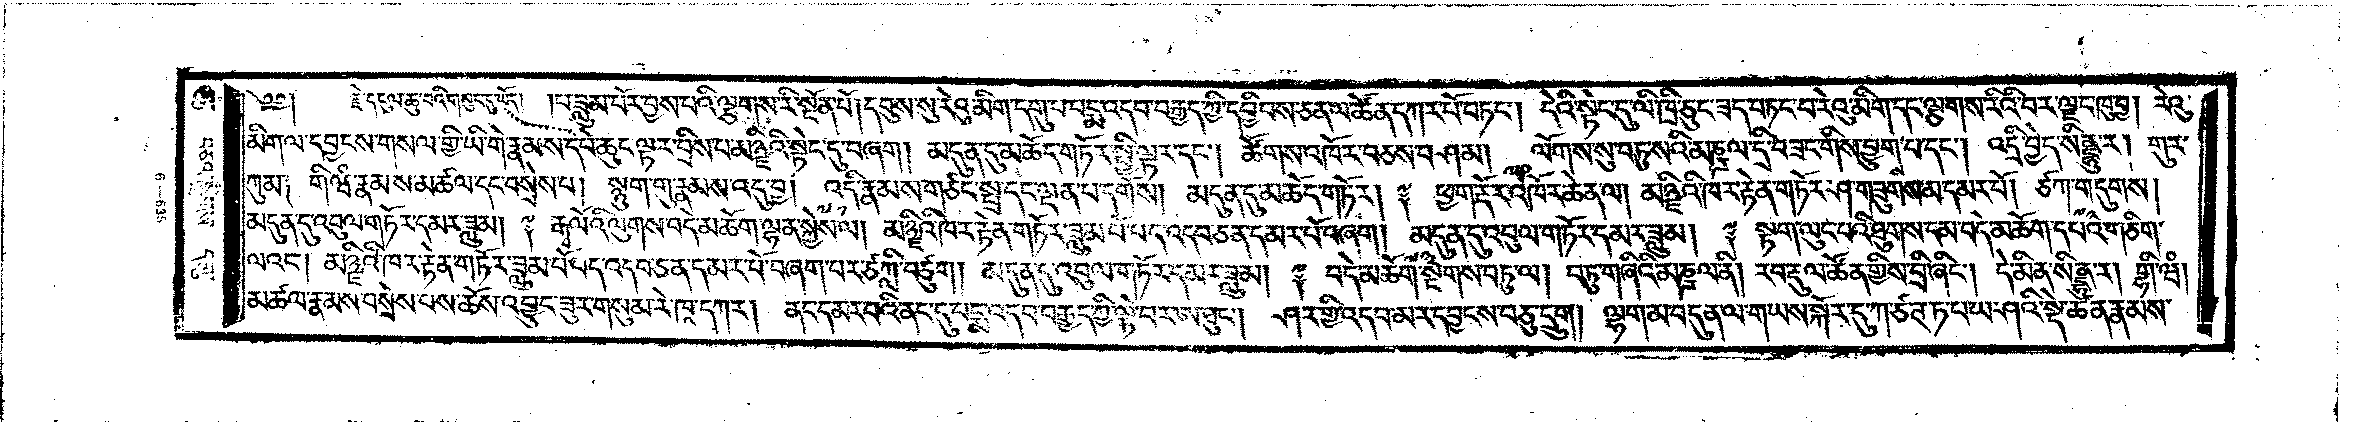༄༅། ། རྗེ་དངུལ་ཆུ་བའི་གསུང་དུ་ཡོད།  །པ་ཟླུམ་པོར་བྱས་པའི་ལྕགས་རི་སྔོན་པོ། དབུས་སུ་རེའུ་མིག་དགུ་པ་པདམ་འདབ་བརྒྱད་ཀྱི་དབྱིབས་ཅན་ལ་ཚོན་དཀར་པོ་བཏབ། དེའི་སྟེང་དུ་ལི་ཁྲི་ཅུང་ཟད་བཏང་བ་རེའུ་མིག་དང་ལྕགས་རིའི་བར་ལྗང་ཁུ་བྱ། རེའུ་
མིག་ལ་དབྱངས་གསལ་གྱི་ཡི་གེ་རྣམས་དཔེ་ཆུང་ལྟར་བྲིས་པ་མཉྫིའི་སྟེང་དུ་བཞག། མདུན་དུ་མཆོད་གཏོར་སྤྱི་ལྟར་དང་། ཚོགས་འཁོར་བཅས་བཤམ། ལོགས་སུ་བཏུ་སའི་མཎྜལ་དྲི་བཟང་གིས་བྱུག་པ་དང་། འདྲི་བྱེད་སིནྡྷུ་ར། གུར་
ཀུམ༑ གིཝཾ་རྣམས་མཚལ་དང་བསྲེས་པ། སྙུག་གུ་རྣམས་འདུ་བྱ། འདི་རྣམས་གཙང་སྤྲ་དང་ལྡན་པ་དགོས། མདུན་དུ་མཆོད་གཏོར། ༈ ཕྱག་རྡོར་འཁོར་ཆེན་ལ། མཉྫིའི་ཁར་རྟེན་གཏོར་ཤ་གཟུགས་མ་དམར་པོ། ཙ་ཀ་གདུགས།
མདུན་དུ་འབུལ་གཏོར་དམར་ཟླུམ། ༈ རྒྭ་ལོའི་ལུགས་བདེ་མཆོག་ལྡན་སྐྱེས་ལ། མཉྫིའི་ཁར་རྟེན་གཏོར་ཟླུམ་པོ་པད་འདབ་ཅན་དམར་པོ་བཞག། མདུན་དུ་འབུལ་གཏོར་དམར་ཟླུམ། ༈ སྟག་ལུང་པའི་ཐུགས་དམ་བདེ་མཆོག་པའི་གཅིག་
ལའང་། མཉྫིའི་ཁར་རྟེན་གཏོར་ཟླུམ་པོ་པད་འདབ་ཅན་དམར་པོ་བཞག་བར་ཙཀླི་བཙུག། མདུན་དུ་འབུལ་གཏོར་དམར་ཟླུམ། ༈ བདེ་མཆོག་སྔགས་བཏུ་ལ། བཏུ་གཞིའི་མཎྜལ་ནི། རབ་རྡུལ་ཚོན་གྱིས་བྲི་ཞིང་། དེ་མིན་སིནྡྷུ་ར། གྷི་ཝཾ།
མཚལ་རྣམས་བསྲེས་པས་ཆོས་འབྱུང་ཟུར་གསུམ་རེ་ཁཱ་དཀར། ནང་དམར་བའི་ནང་དུ་པདམ་འདབ་བརྒྱད་ཀྱི་ལྟེ་བར་ཨ་ཐུང་། ཤར་གྱི་འདབ་མར་དབྱངས་བཅུ་དྲུག། ལྷག་མ་བདུན་ལ་གཡས་སྐོར་དུ་ཀ་ཙ་ཊ་ཏ་པ་ཡ་ཤའི་སྡེ་ཆེན་རྣམས་